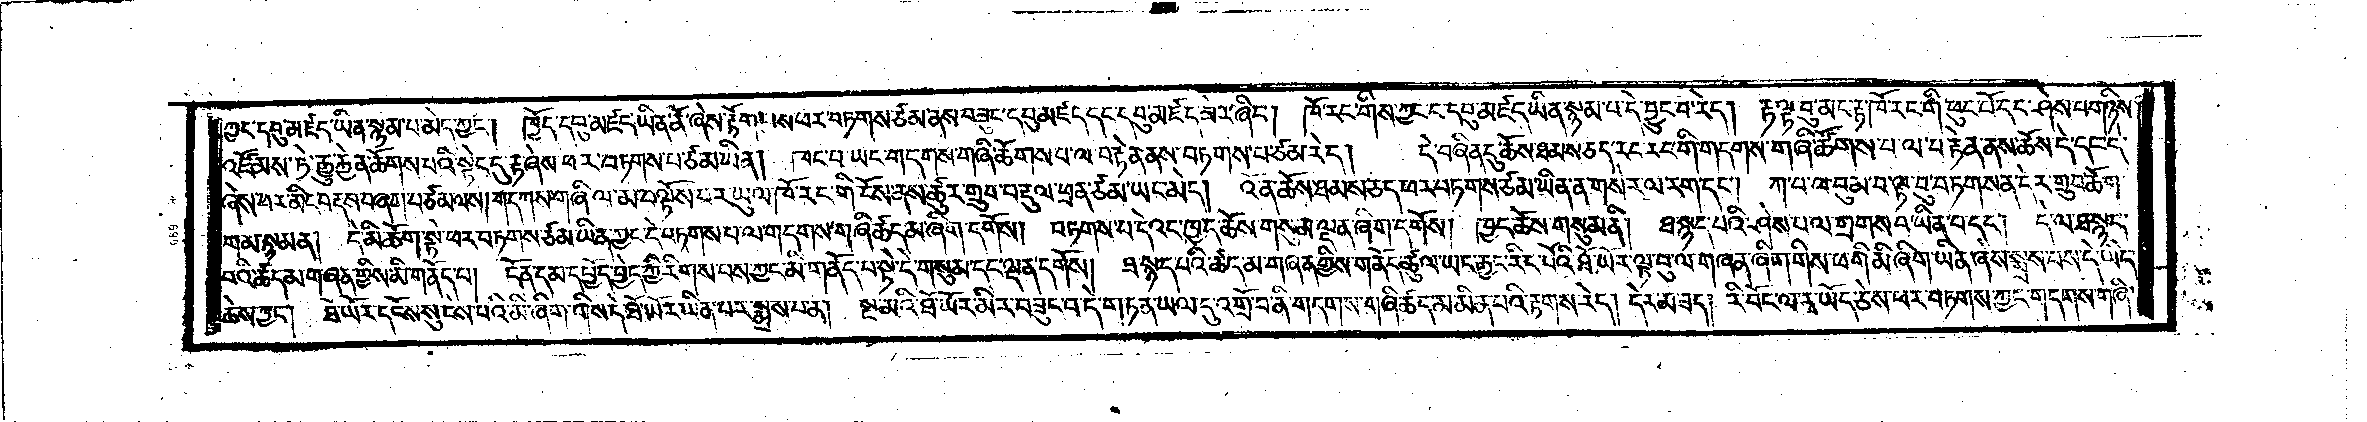ཀྱང་དབུ་མཛད་ཡིན་སྙམ་པ་མེད་ཀྱང་། ཁྱོད་དབུ་མཛད་ཡིན་ནོ་ཞེས་རྟོག་པས་ཕར་བཏགས་ཙམ་ནས་བཟུང་དབུ་མཛད་དང་དབུ་མཛད་ཟེར་ཞིང་། ཁོ་རང་གིས་ཀྱང་ང་དབུ་མཛད་ཡིན་སྙམ་པ་དེ་བྱུང་བ་རེད། རྟ་ལྟ་བུ་ཡང་རྟ་ཁོ་རང་གི་ཕུང་པོ་དང་ཤེས་པ་གཉིས་
འཛོམས་ཏེ་རྒྱུ་རྐྱེན་ཚོགས་པའི་སྟེང་དུ་རྟ་ཞེས་ཕར་བཏགས་པ་ཙམ་ཡིན། ཁང་པ་ཡང་གདགས་གཞི་ཚོགས་པ་ལ་བརྟེན་ནས་བཏགས་པ་ཙམ་རེད། དེ་བཞིན་དུ་ཆོས་ཐམས་ཅད་རང་རང་གི་གདགས་གཞི་ཚོགས་པ་ལ་བརྟེན་ནས་ཆོས་དེ་དང་དེ་
ཞེས་ཕར་མིང་བརྡས་བཞག་པ་ཙམ་ལས། གདགས་གཞི་ལ་མ་བལྟོས་པར་ཡུལ་ཁོ་རང་གི་ངོས་ནས་ཚུར་གྲུབ་པ་རྡུལ་ཕྲན་ཙམ་ཡང་མེད། འོ་ན་ཆོས་ཐམས་ཅད་ཕར་བཏགས་ཙམ་ཡིན་ན་གསེར་ལ་རག་དང་། ཀ་བ་ལ་བུམ་པ་ལྟ་བུ་བཏགས་ན་དེར་གྲུབ་ཆོག་
གམ་སྙམ་ན། དེ་མི་ཆོག་སྟེ་ཕར་བཏགས་ཙམ་ཡིན་ཀྱང་དེ་བཏགས་པ་ལ་གདགས་གཞི་ཚད་མ་ཞིག་དགོས། བཏགས་པ་དེའང་ཁྱད་ཆོས་གསུམ་ལྡན་ཞིག་དགོས། ཁྱད་ཆོས་གསུམ་ནི། ཐ་སྙད་པའི་ཤེས་པ་ལ་གྲགས་པ་ཡིན་པ་དང་། དེ་ལ་ཐ་སྙད་
པའི་ཚད་མ་གཞན་གྱིས་མི་གནོད་པ། དོན་དམ་དཔྱོད་བྱེད་ཀྱི་རིགས་པས་ཀྱང་མི་གནོད་པ་སྟེ་དེ་གསུམ་དང་ལྡན་དགོས། ཐ་སྙད་པའི་ཚད་མ་གཞན་གྱིས་གནོད་ཚུལ་ཡང་རྒྱང་རིང་པོའི་ཐོ་ཡོར་ལྟ་བུ་ལ་གཞན་ཞིག་གིས་ཕ་གི་མི་ཞིག་ཡིན་ཞེས་སྨྲས་པས་དེ་ཡིད་
ཆེས་ཀྱང་། ཐོ་ཡོར་དངོས་སུ་ངེས་པའི་མི་ཞིག་གིས་དེ་ཐོ་ཡོར་ཡིན་པར་སྨྲས་པ་ན། སྔ་མའི་ཐོ་ཡོར་མིར་བཟུང་བ་དེ་གཏན་ཡལ་དུ་འགྲོ་བ་ནི་གདགས་གཞི་ཚད་མ་མིན་པའི་རྟགས་རེད། དེར་མ་ཟད། རི་བོང་ལ་རྭ་ཡོད་ཅེས་ཕར་བཏགས་ཀྱང་གདགས་གཞི་